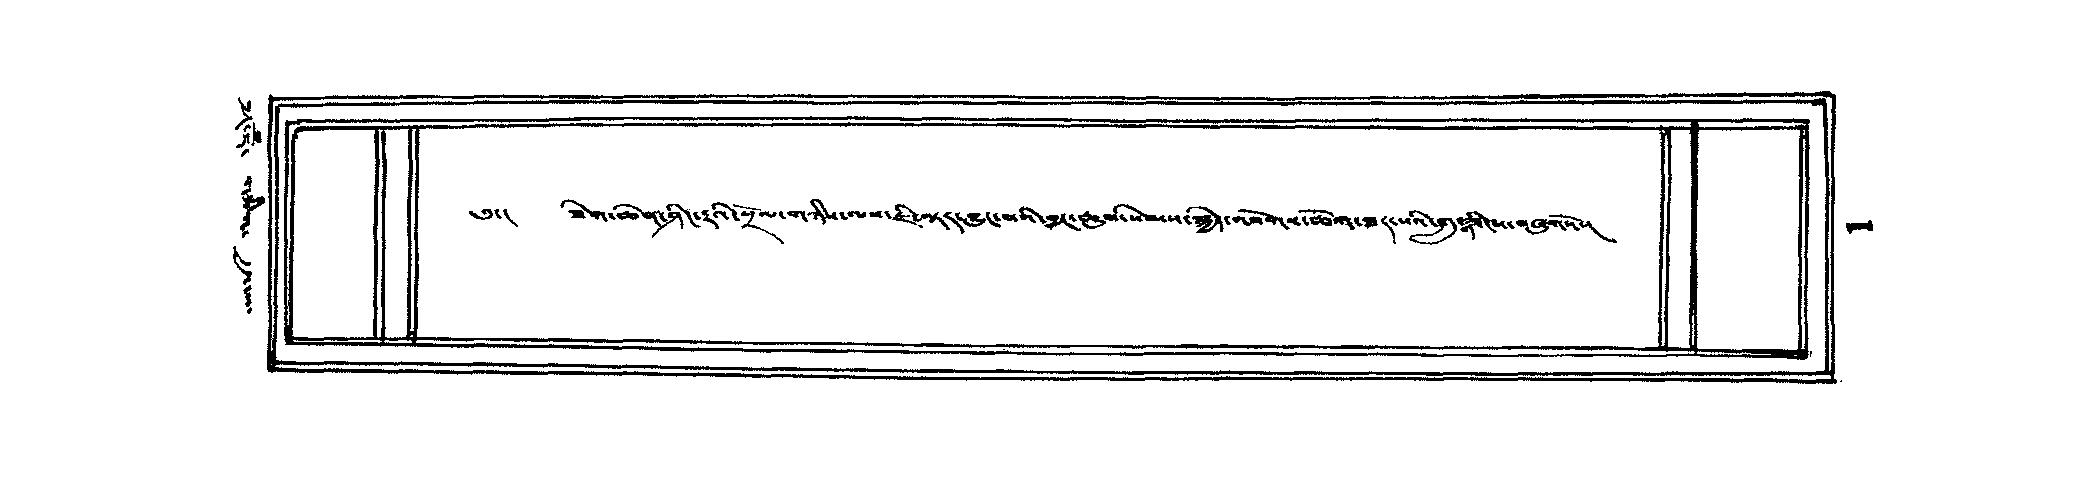༄། ཐེག་ཆེན་ཤིང་རྟའི་སྲོལ་གཉིས་ལས་ཇི་ལྟར་བྱུང་བའི་བྱང་ཆུབ་སེམས་སྐྱེད་འབོགས་ཆོག་ཐར་པའི་གྲུ་གཟིངས་བཞུགས་སོ།